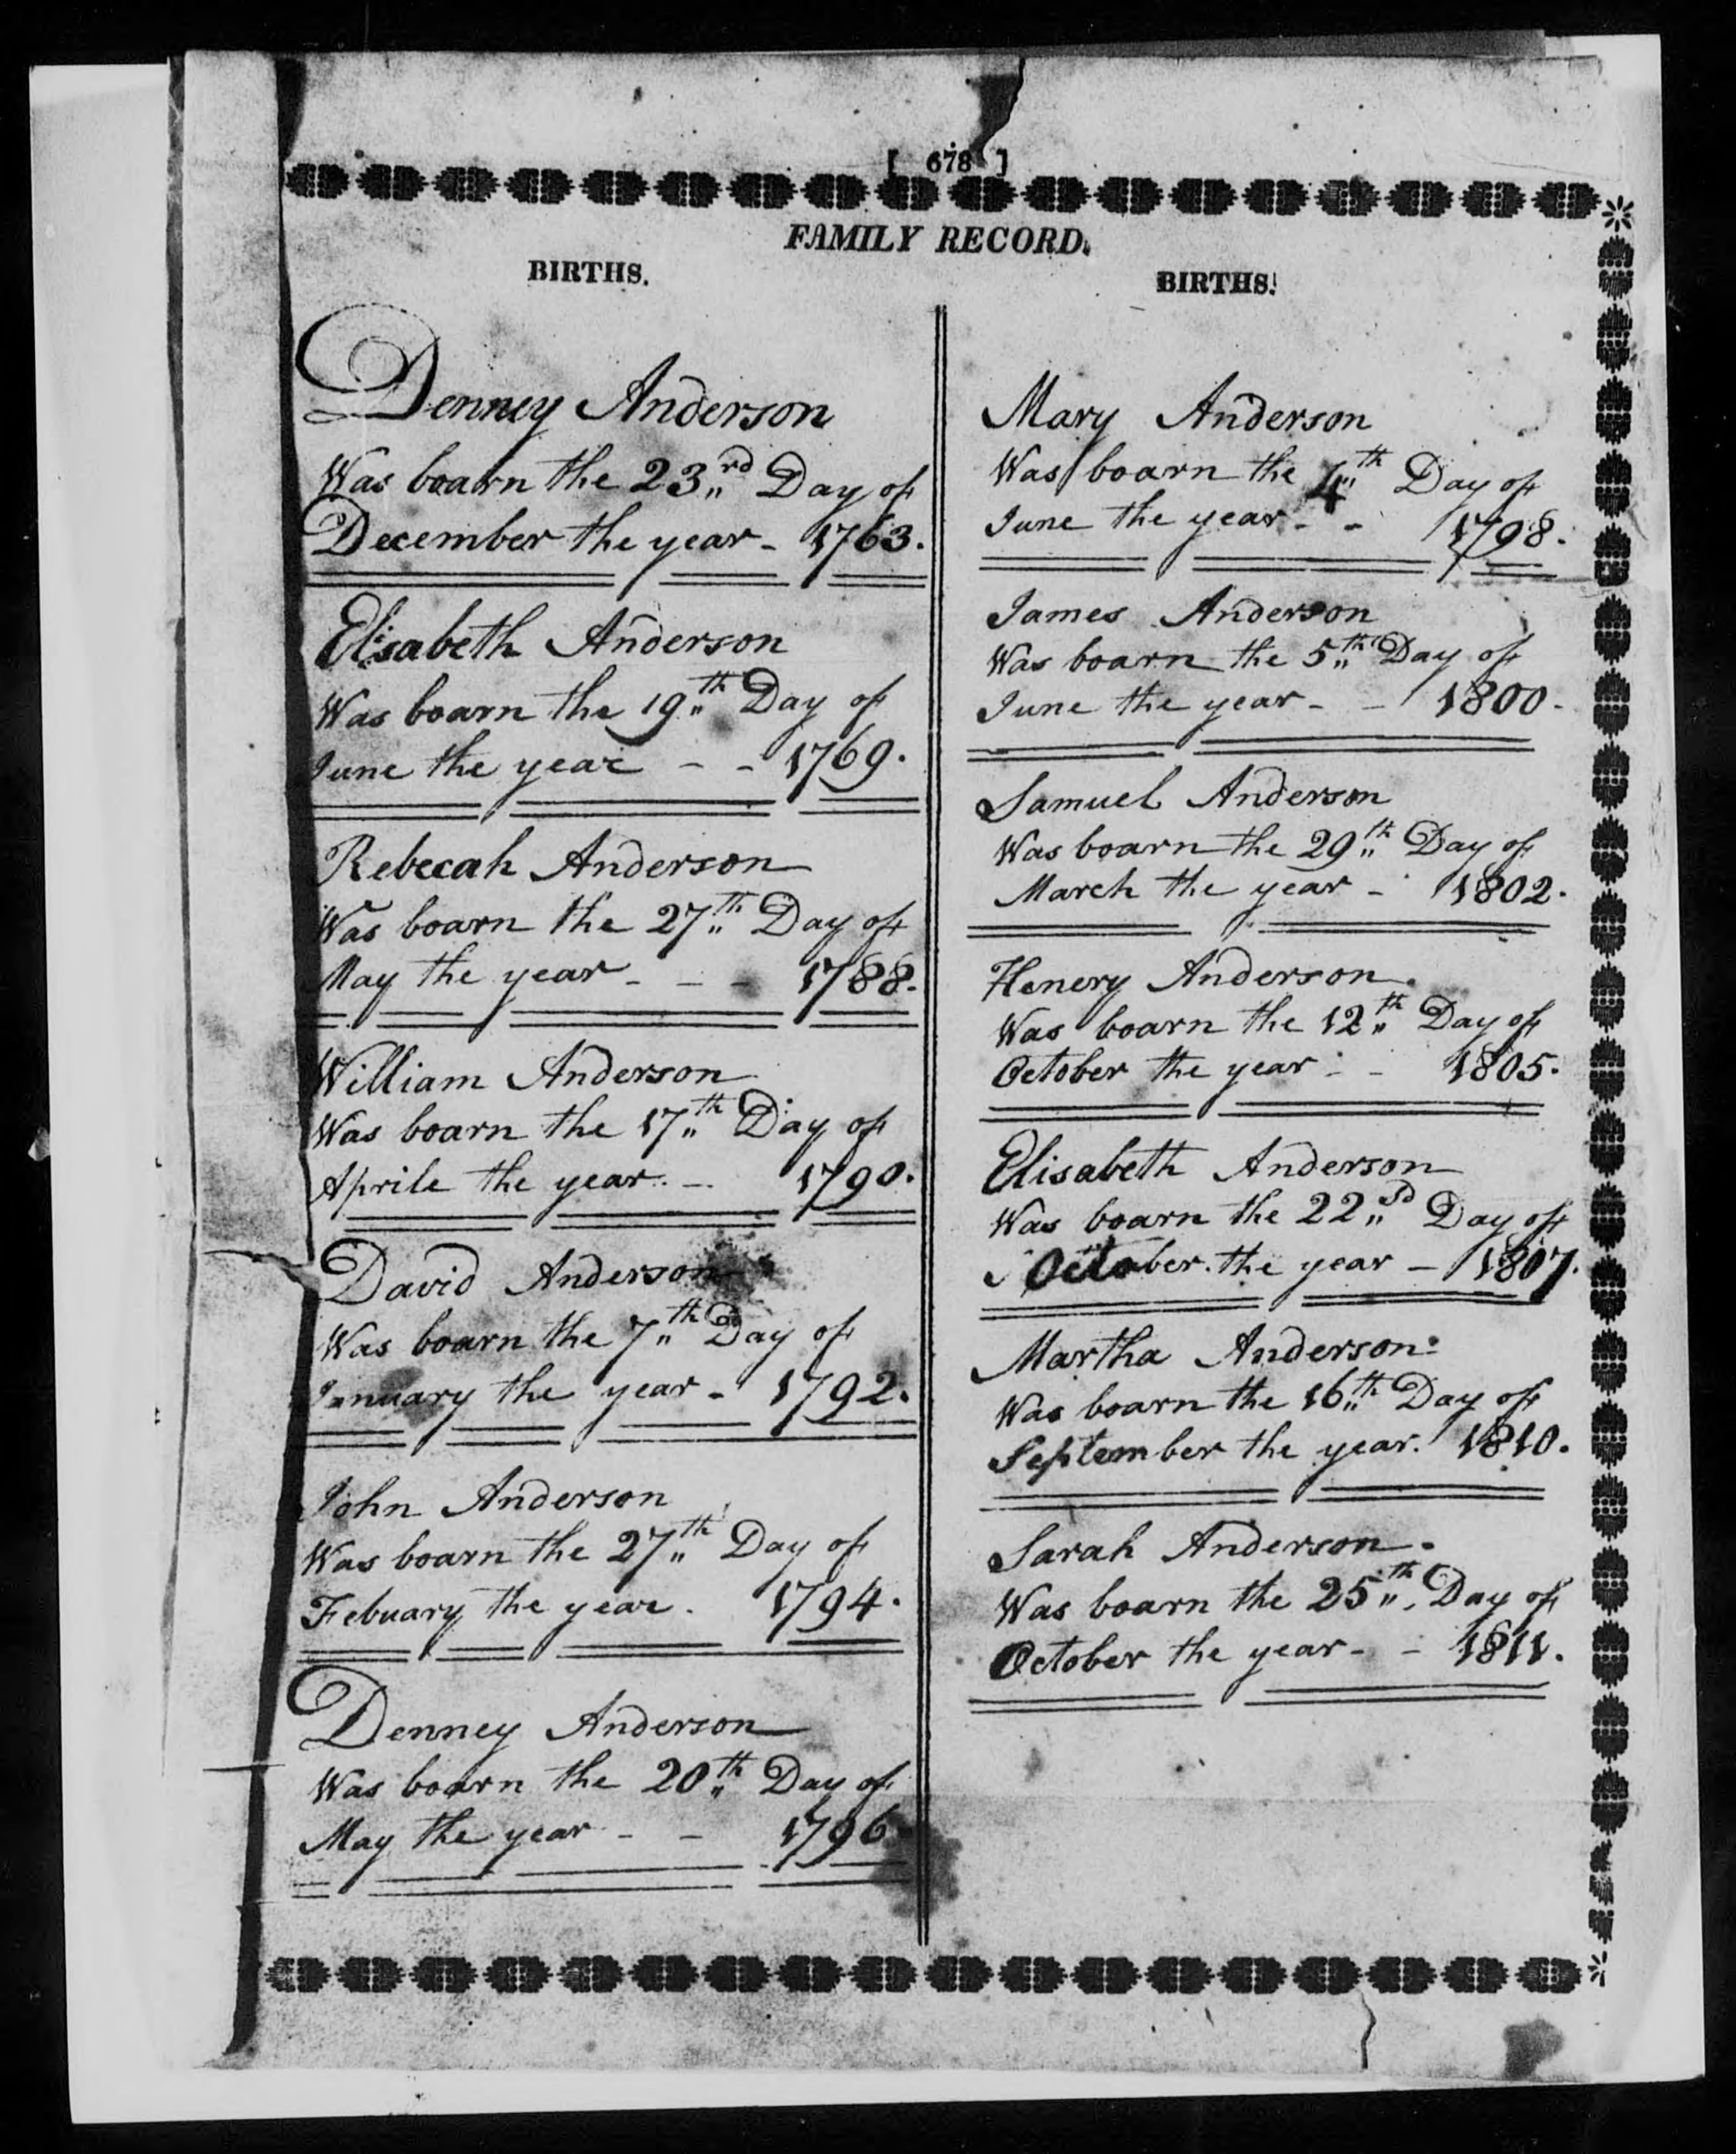FAMILY RECORD.

BIRTHS.
Denney Anderson
Was born the 23rd Day of
December the year - 1763
===================
Elisabeth Anderson
Was born the 19th Day of
June the year - 1769
===================
Rebecah Anderson
Was born the 27th Day of
May the year - 1788
===================
William Anderson
Was born the 17th Day of
April the year - 1790
===================
David Anderson
Was born the 7th Day of
January the year - 1792
===================
John Anderson
Was born the 27th Day of
February the year - 1794
===================
Denney Anderson
Was born the 20th Day of
May the year - 1796
===================

[2nd Column]
BIRTHS.
Mary Anderson
Was born the 4th Day of
June the year - 1798
===================
James Anderson
Was born the 5th Day of
June the year - 1800
===================
Samuel Anderson
Was born the 29th Day of
March the year - 1802
===================
Henery (Henry)Anderson
Was born the 12th Day of
October the year -  1805
===================
Elisabeth Anderson
Was born the 22nd Day of
October the year - 1807
===================
Martha Anderson
Was born the 16th (6th)Day of
September the year -  1810
===================
Sarah Anderson
Was born the 25th Day of
October the year -  1811
===================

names: Denney Anderson, Samuel Anderson, Mary Anderson, Henery Anderson, John Anderson, Rebecah Anderson, William Anderson, Sarah Anderson, David Anderson, Denny Anderson, Elisabeth Anderson, James Anderson, Martha Anderson, Elisabeth Anderson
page: 17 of 51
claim: widow's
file: W. 9700, Denney Anderson, S.C.